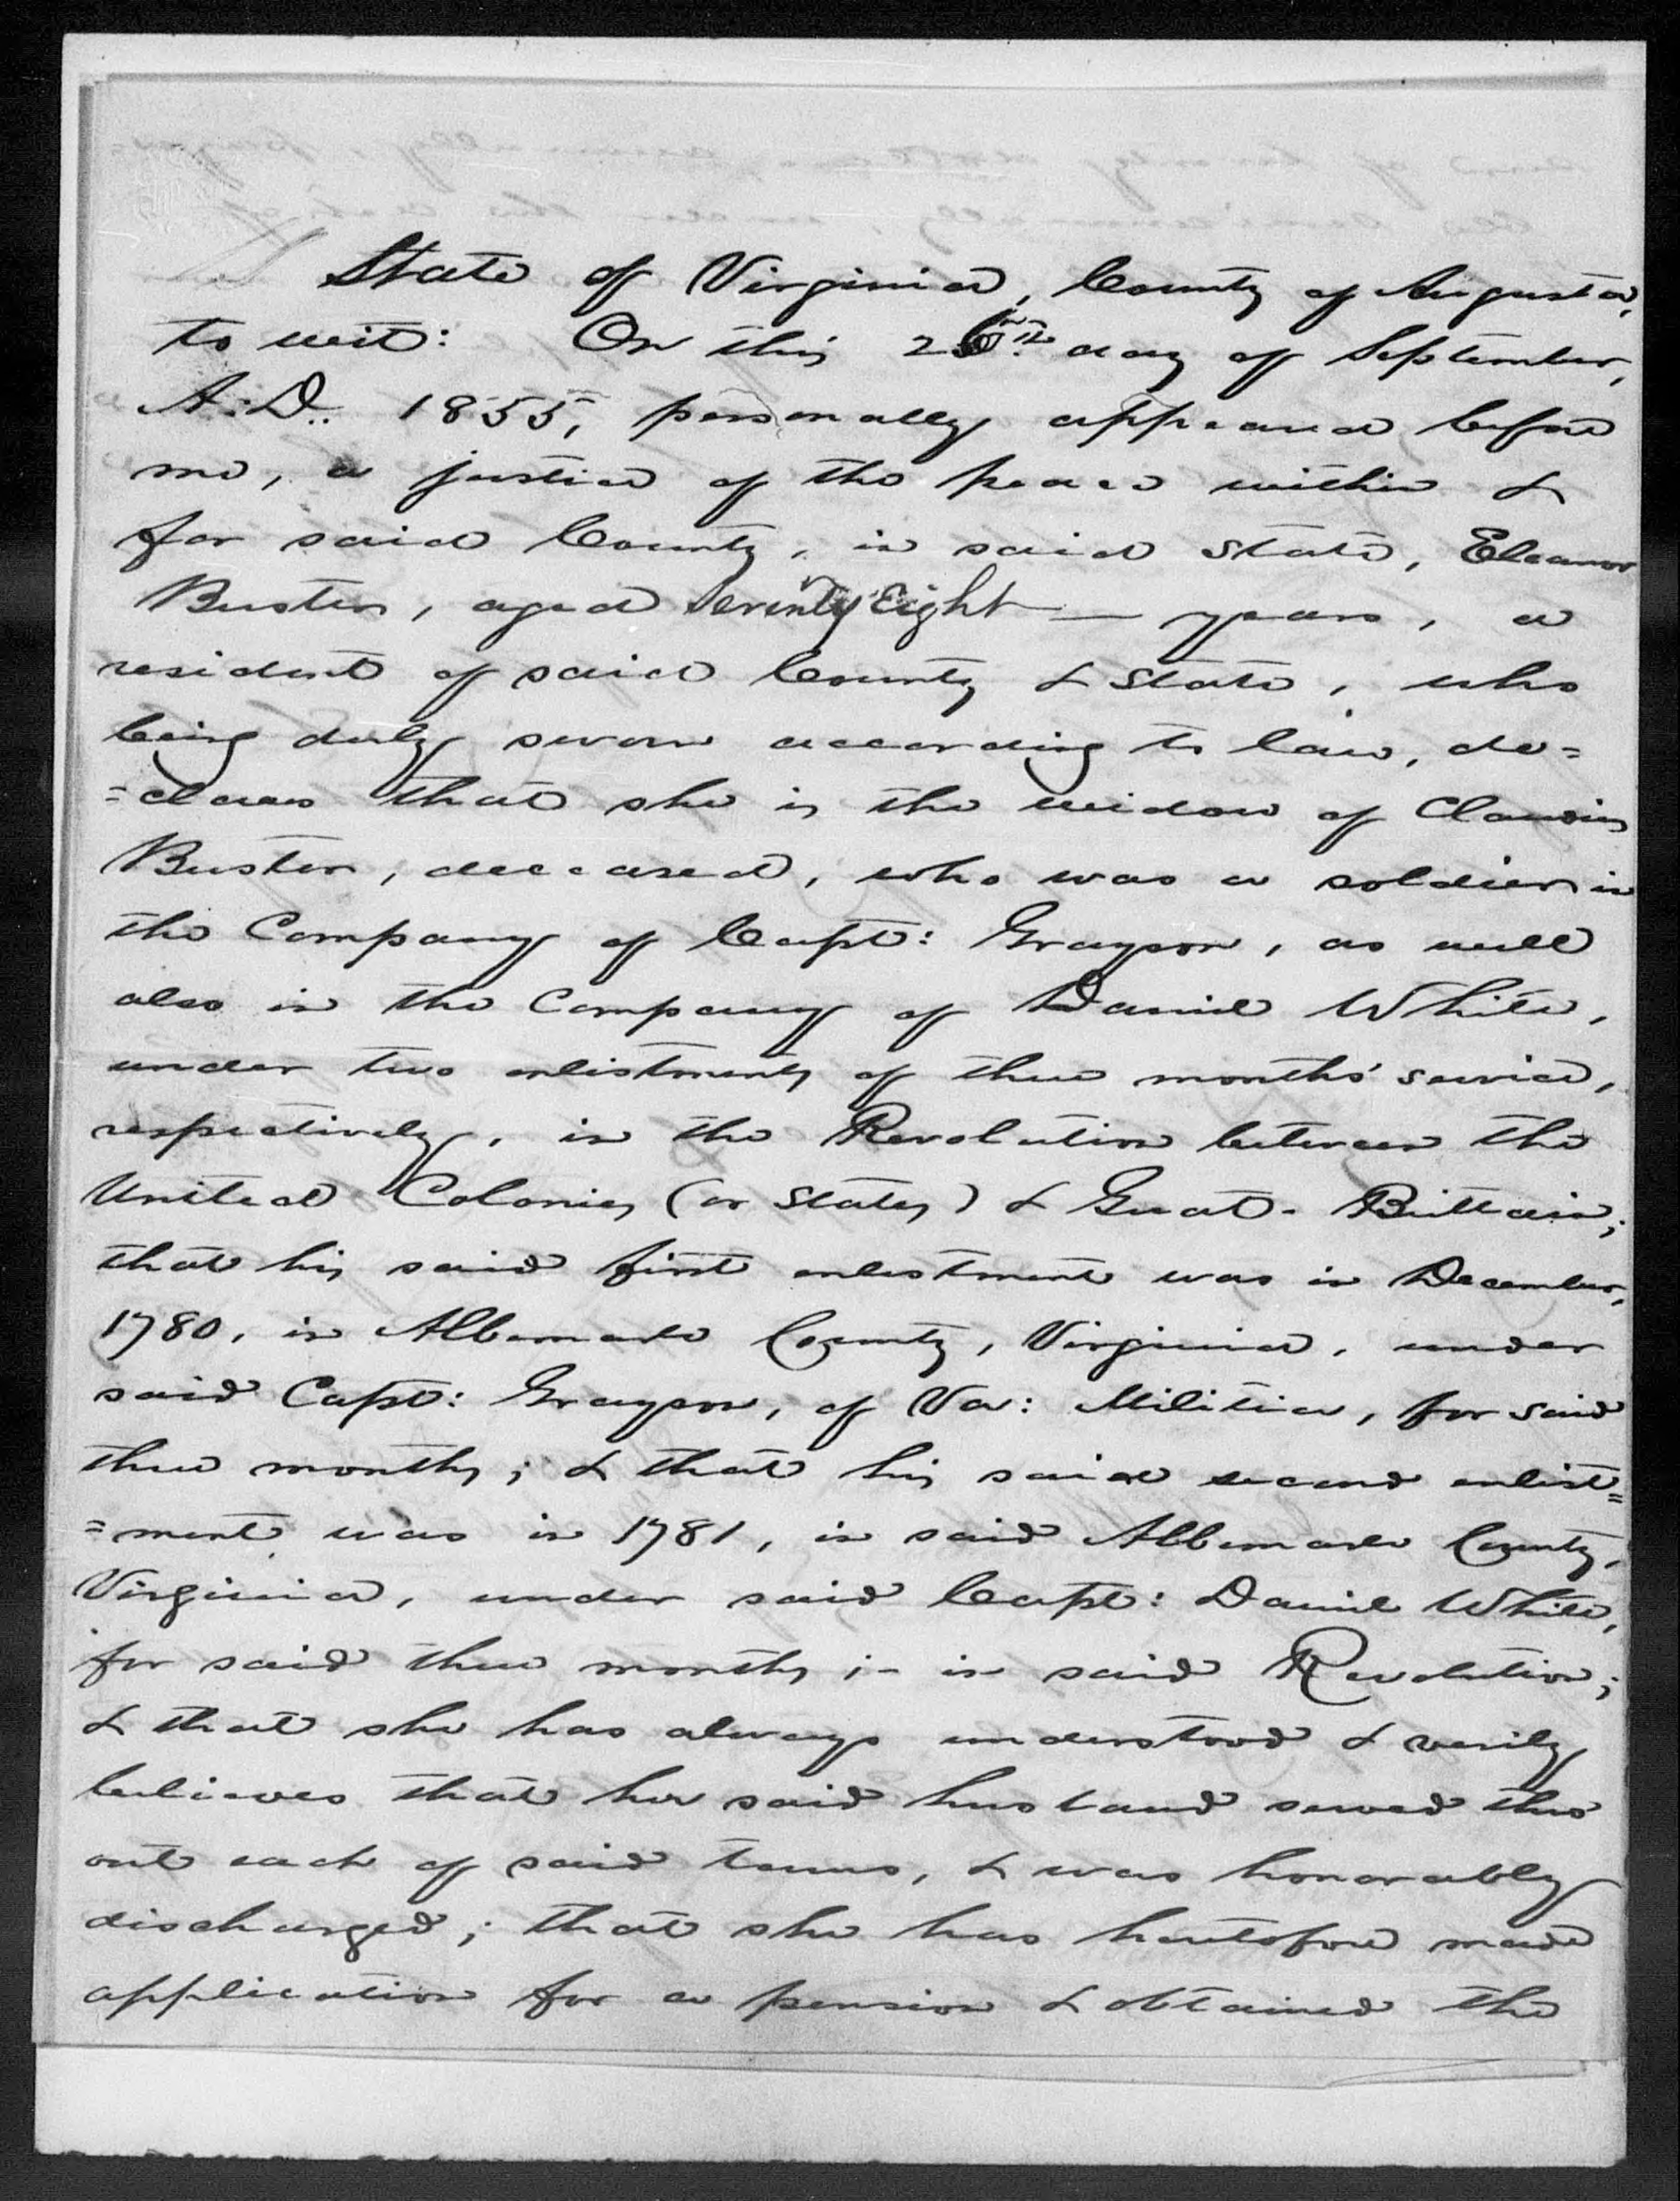State of Virginia, County of Augusta, to wit:

On this 26th day of September, A. D. 1855, personally appeared before me, a justice of the peace within & for said County, in said state, Eleanor Buster, aged seventy eight years, a resident of said County & State, who being duly sworn according to law, declares that she is the widow of Claudius Buster, deceased, who was a soldier in the Company of Capt: Grayson, as well also in the Company of Daniel White, under two enlistments of three months' service, respectively, in the Revolution between the United Colonies (or States) & Great Brittain(sic); that his said first enlistment was in December, 1780, in Albemarle County, Virginia, under said Capt: Grayson, of Va: Militia, for said three months; & that his said second enlistment was in 1781, in said Albemarle County, Virginia, under sad Capt: Daniel White, for said three months; in said Revolution; & that she has always understood & verily believes that her said husband served thro(sic) out each of said times, & was honorably discharged; that she has heretofor made application for a pension & obtained the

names: Grayson, Daniel White, Grayson, Daniel White, Claudius Buster, Eleanor Buster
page: 12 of 71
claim: widow's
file: W. 25310, Claudius Buster, Va.